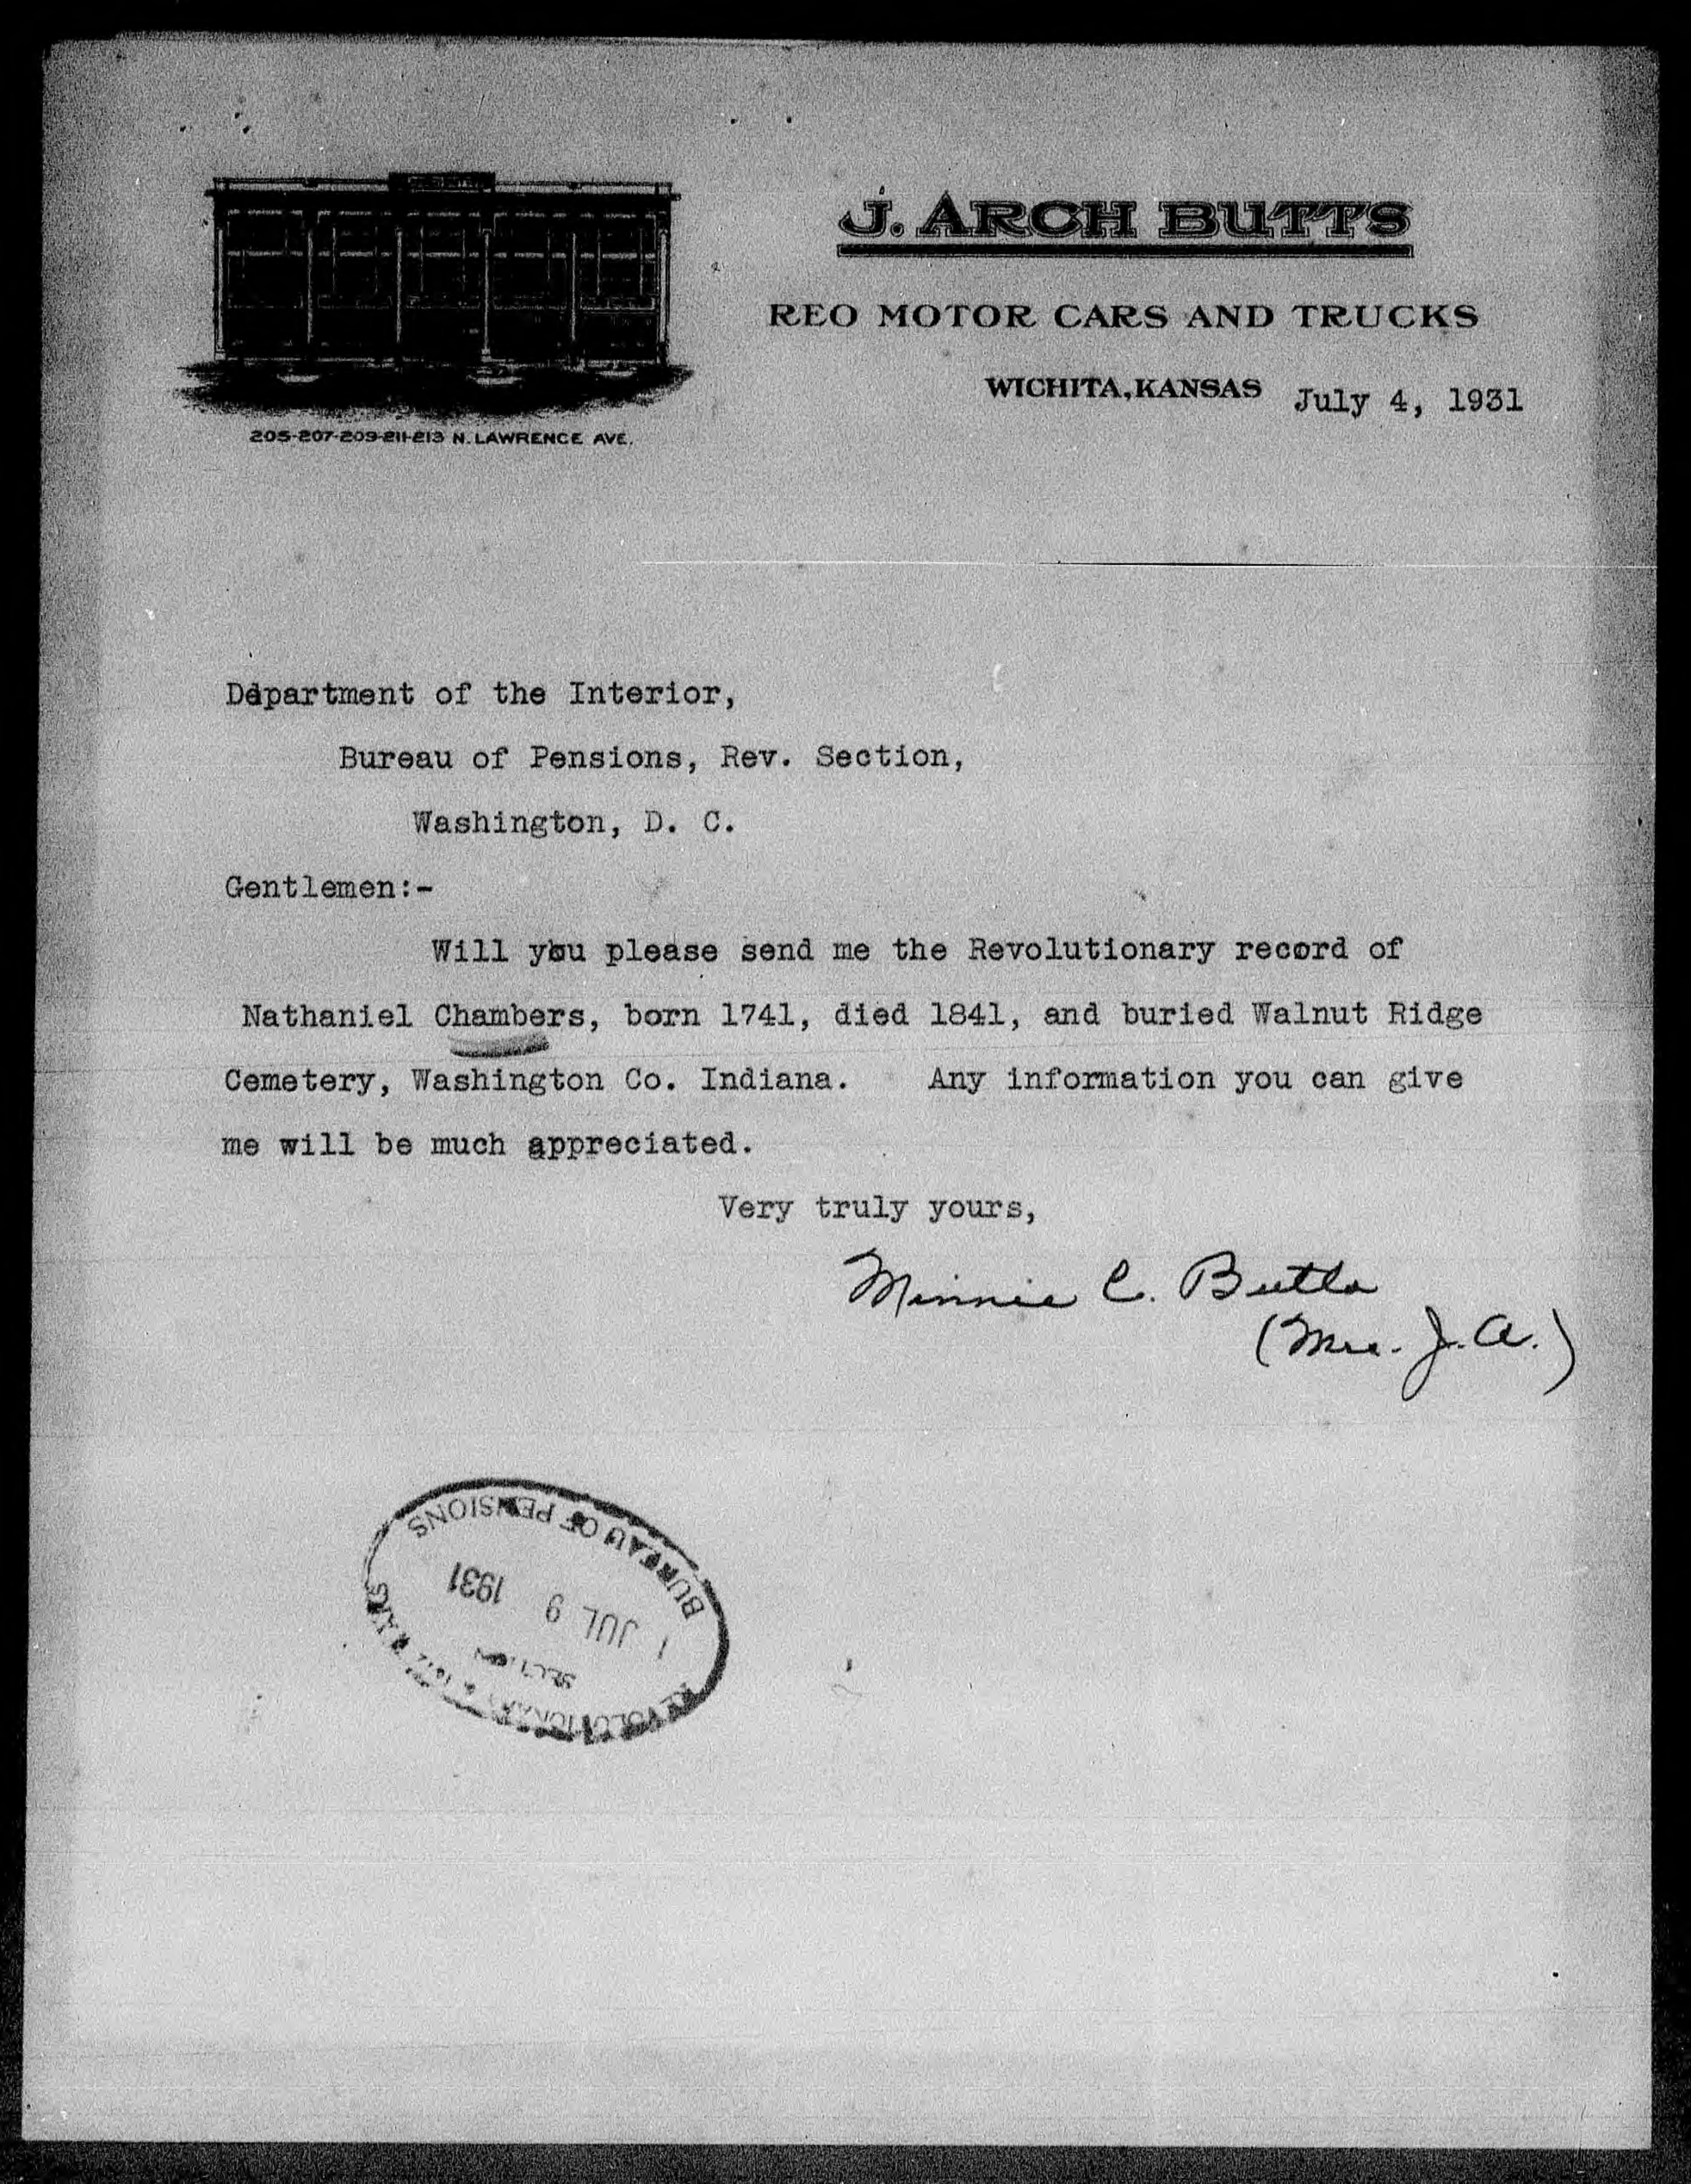J. ARCH BUTTS
REO MOTOR CARS AND TRUCKS
WITHITA, KANSAS
JULY 4, 1931
205-207-209-211-213 N. LAWRENCE AVE.

Department of the Interior,
Bureau of Pensions, Rev. Section,
Washington, D. C.
Gentlemen: --
Will you please send me the Revolutionary record of Nathaniel Chambers, born 1741, died 1841, and buried Walnut Ridge
Cemetery, Washington Co. Indiana. Any information you can give me will be much appreciated.
Very truly yours,
Minnie C. Butla
(Mrs. J.A.)

[STAMP]
REVOLUTIONARY & 1812 WARS
SECTION
1 JUL 9 1931
BUREAU OF PENSIONS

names: Minnie C Butler, Nathaniel Chambers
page: 7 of 13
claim: survivor's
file: S. 32,171, Nathaniel Chambers, N.C.